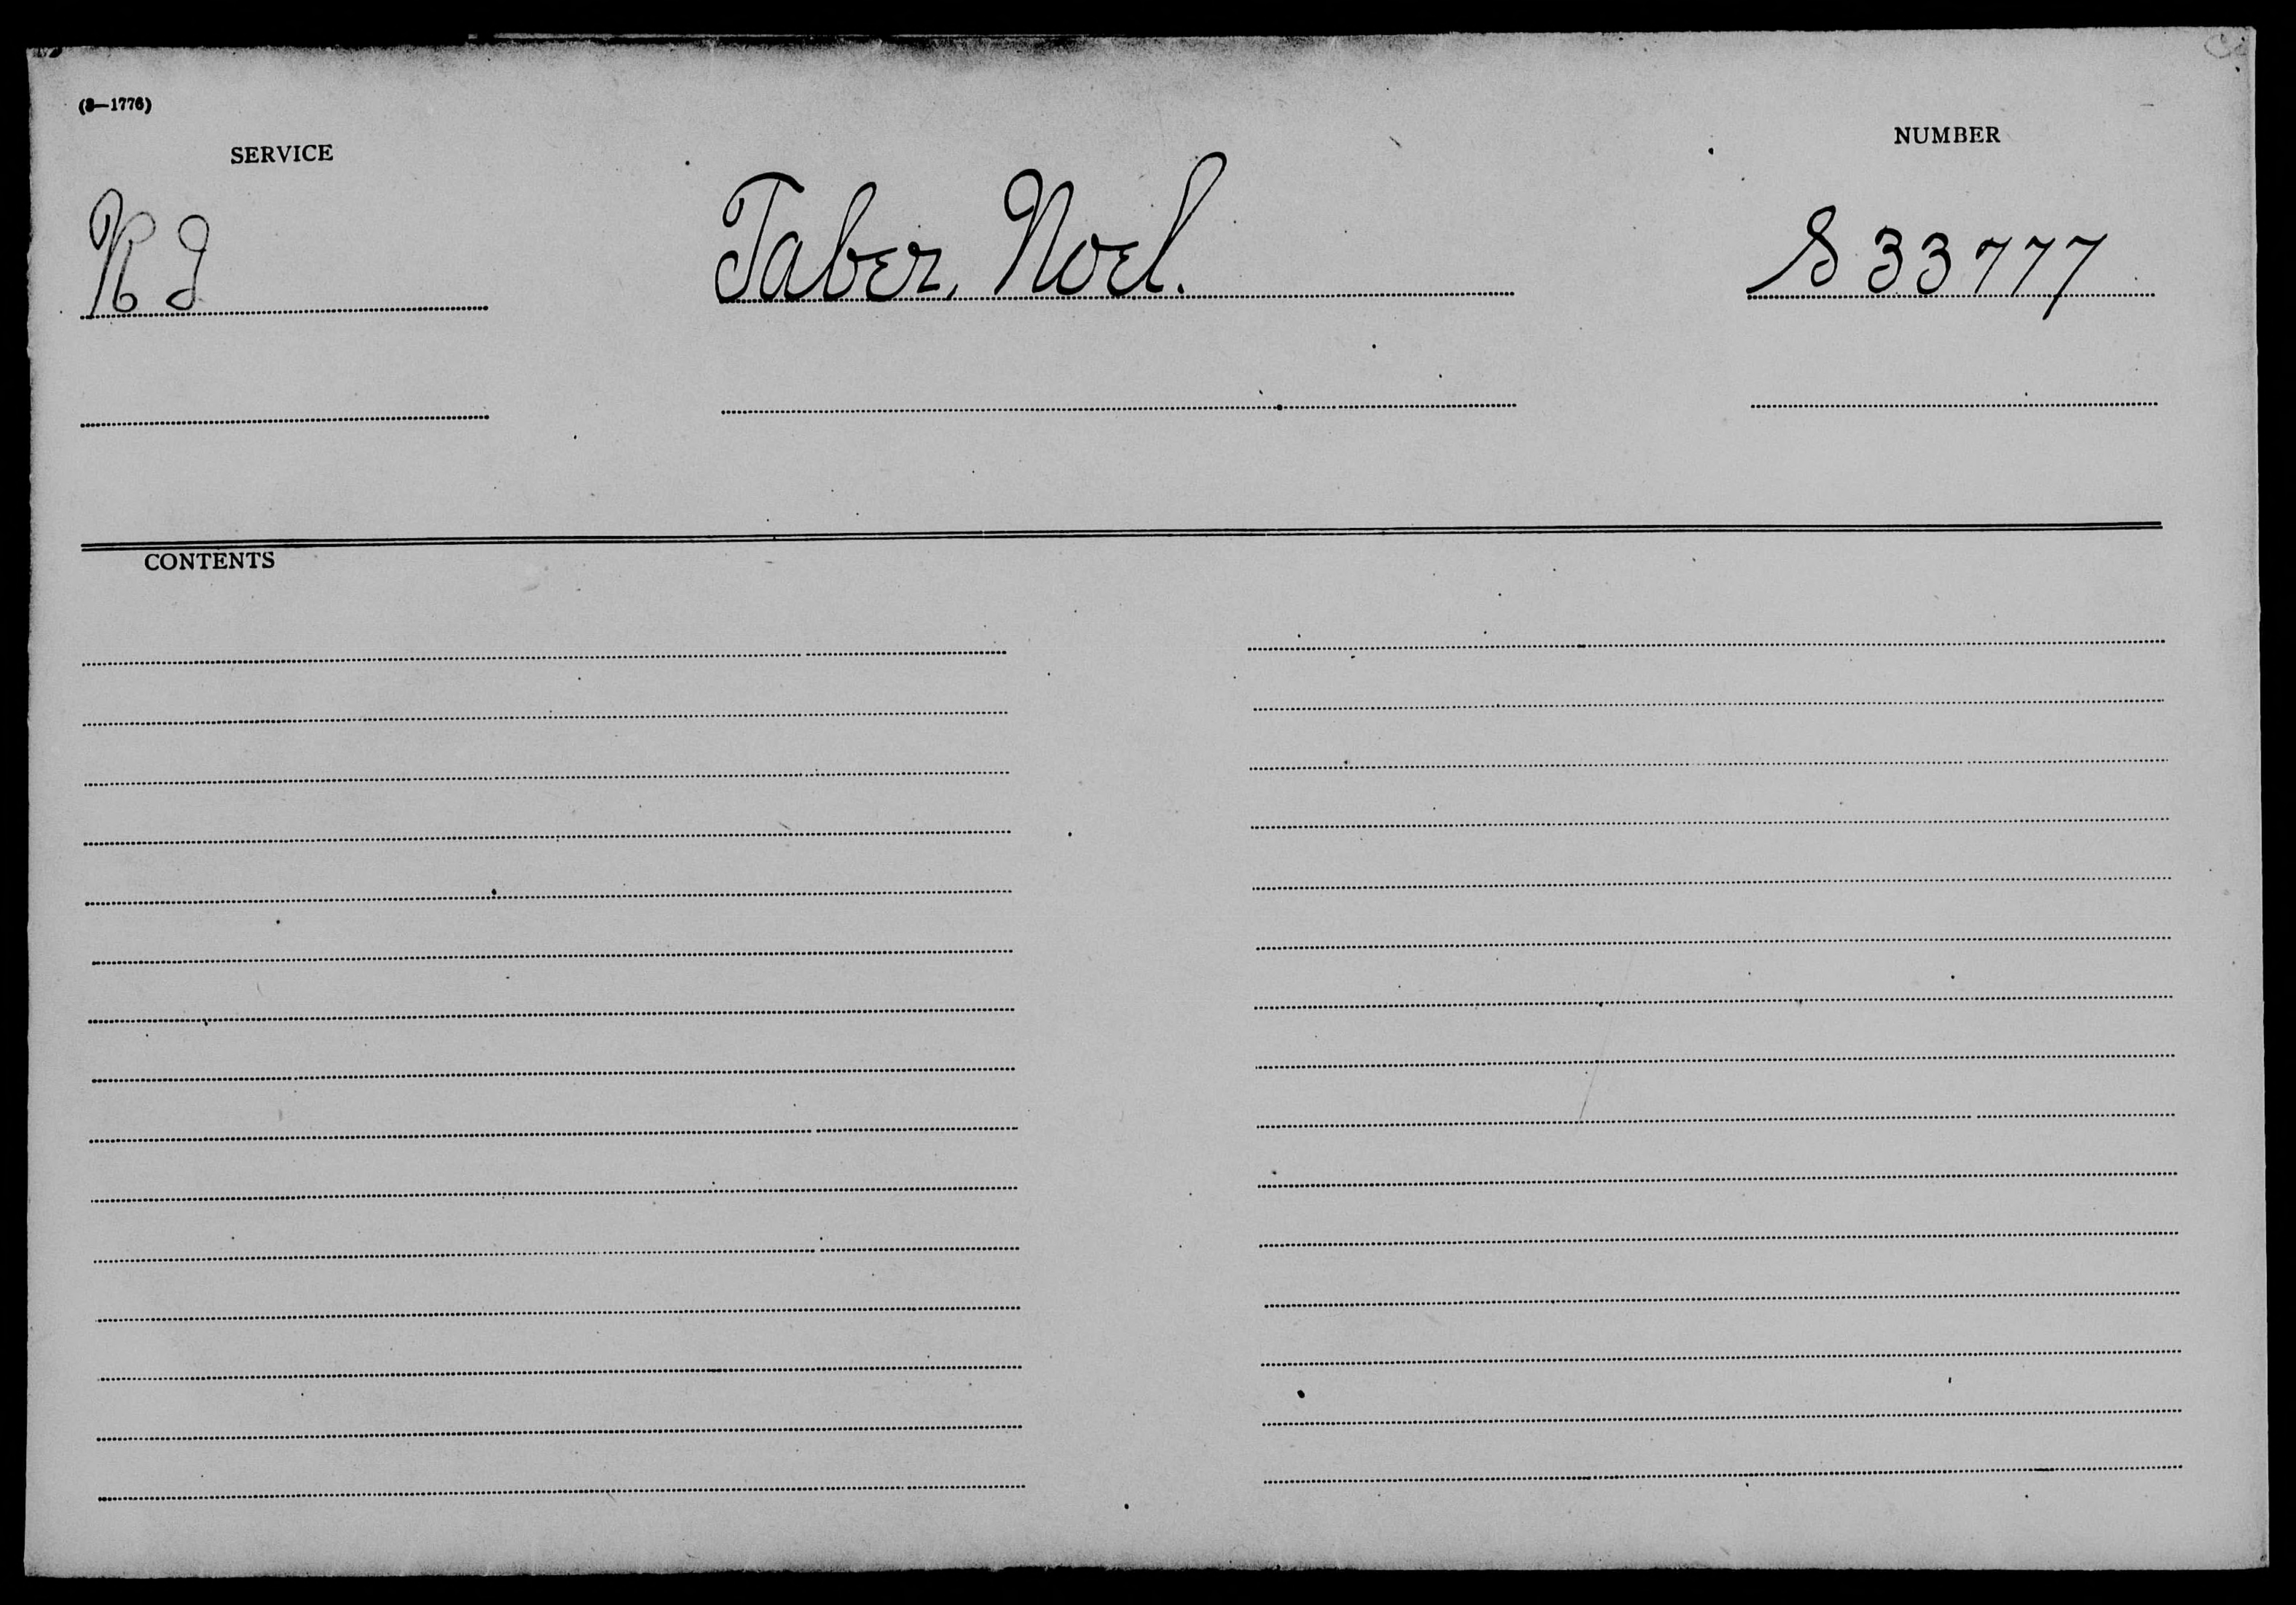SERVICE R I Taber, Noel NUMBER S 33777
CONTENTS [blank]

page: 1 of 22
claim: survivor's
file: S 33777, for Noel Taber, Rhode Island